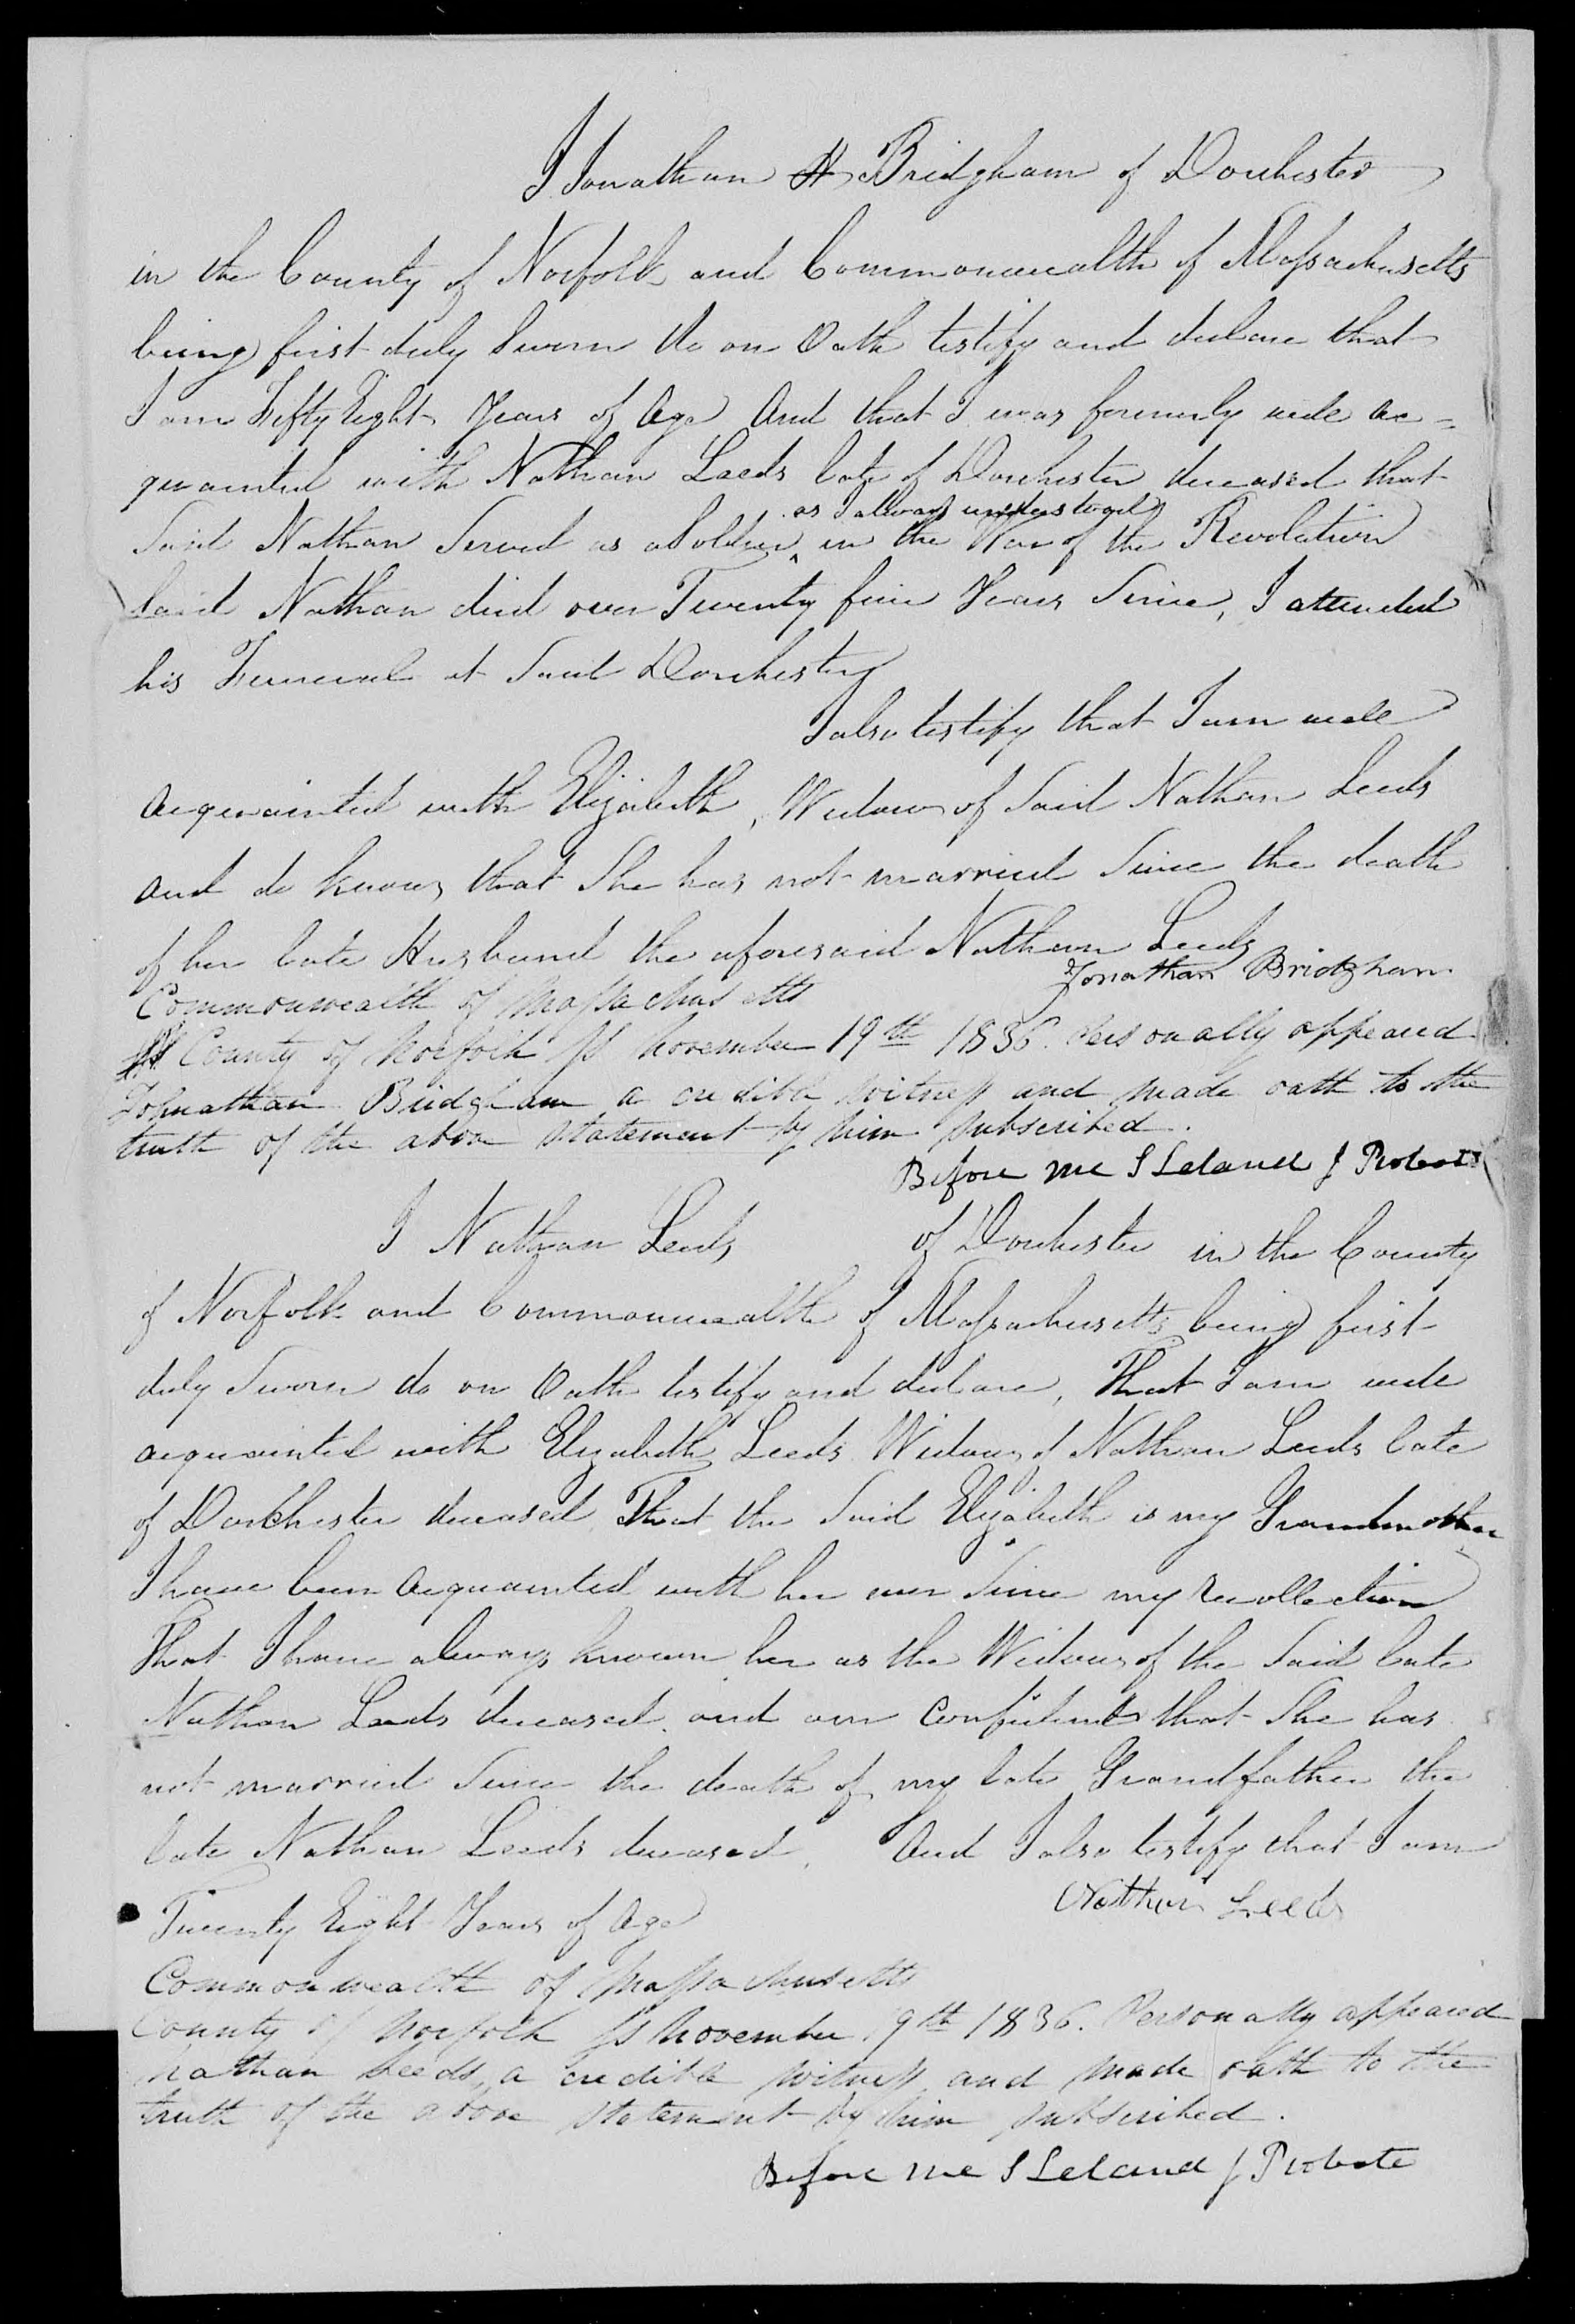Jonathan Bridgham of Dorchester
in the County of Norfolk and Commonwealth of Massachusetts
being first duly sworn do on oath testify and declare that I am Fifty Eight years of age and that I was formerly well acquainted with Nathan Leeds late of Dorchester deceased that
Said Nathan Served as a Soldier ^ as I always understood in the War of the Revolution.
Said Nathan died over Twenty five years Since, I attended his Funeral at said Dorchester.
I also testify that I am well acquainted with Elizabeth, Widow of Said Nathan Leeds
and do know that she has not married since the death of her late Husband the aforesaid Nathan Leeds.
Jonathan Bridgham
Commonwealth of Massachusetts
County of Norfolk SS November 19th 1836. Personally appeared
Johnathan Bridgham a credible witness and made oath to the
truth of the above statement by him subscribed
Before me S Leland J Probate
I Nathan Leeds of Dorchester in the County
of Norfolk and Commonwealth of Massachusetts being first
duly Sworn do on Oath testify and declare, that I am well
acquainted with Elizabeth Leeds Widow of Nathan Leeds late
of Dorchester deceased. That the said Elizabeth is my Grandmother.
I have been acquainted with her ever since my recollection.
That I have always known her as the Widow of the said late
Nathan Leeds deceased and am confident that she has
not married since the death of my late Grandfather the
late Nathan Leeds deceased.
And I also testify that I am
Twenty Eight years of age.
Nathan Leeds
Commonwealth of Massachusetts
County of Norfolk November 9th 1836. Personally appeared
Nathan Leeds, a credible witness and made oath to the
truth of the above statement by him subscribed
before me S Leland J Probate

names: Jonathan H Bridgham; Nathan Leeds; Jonathan Bridgham; S Leland; Elizabeth Leeds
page: 9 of 33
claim: widow's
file: W. 21,567, for Nathan Leeds, Massachusetts